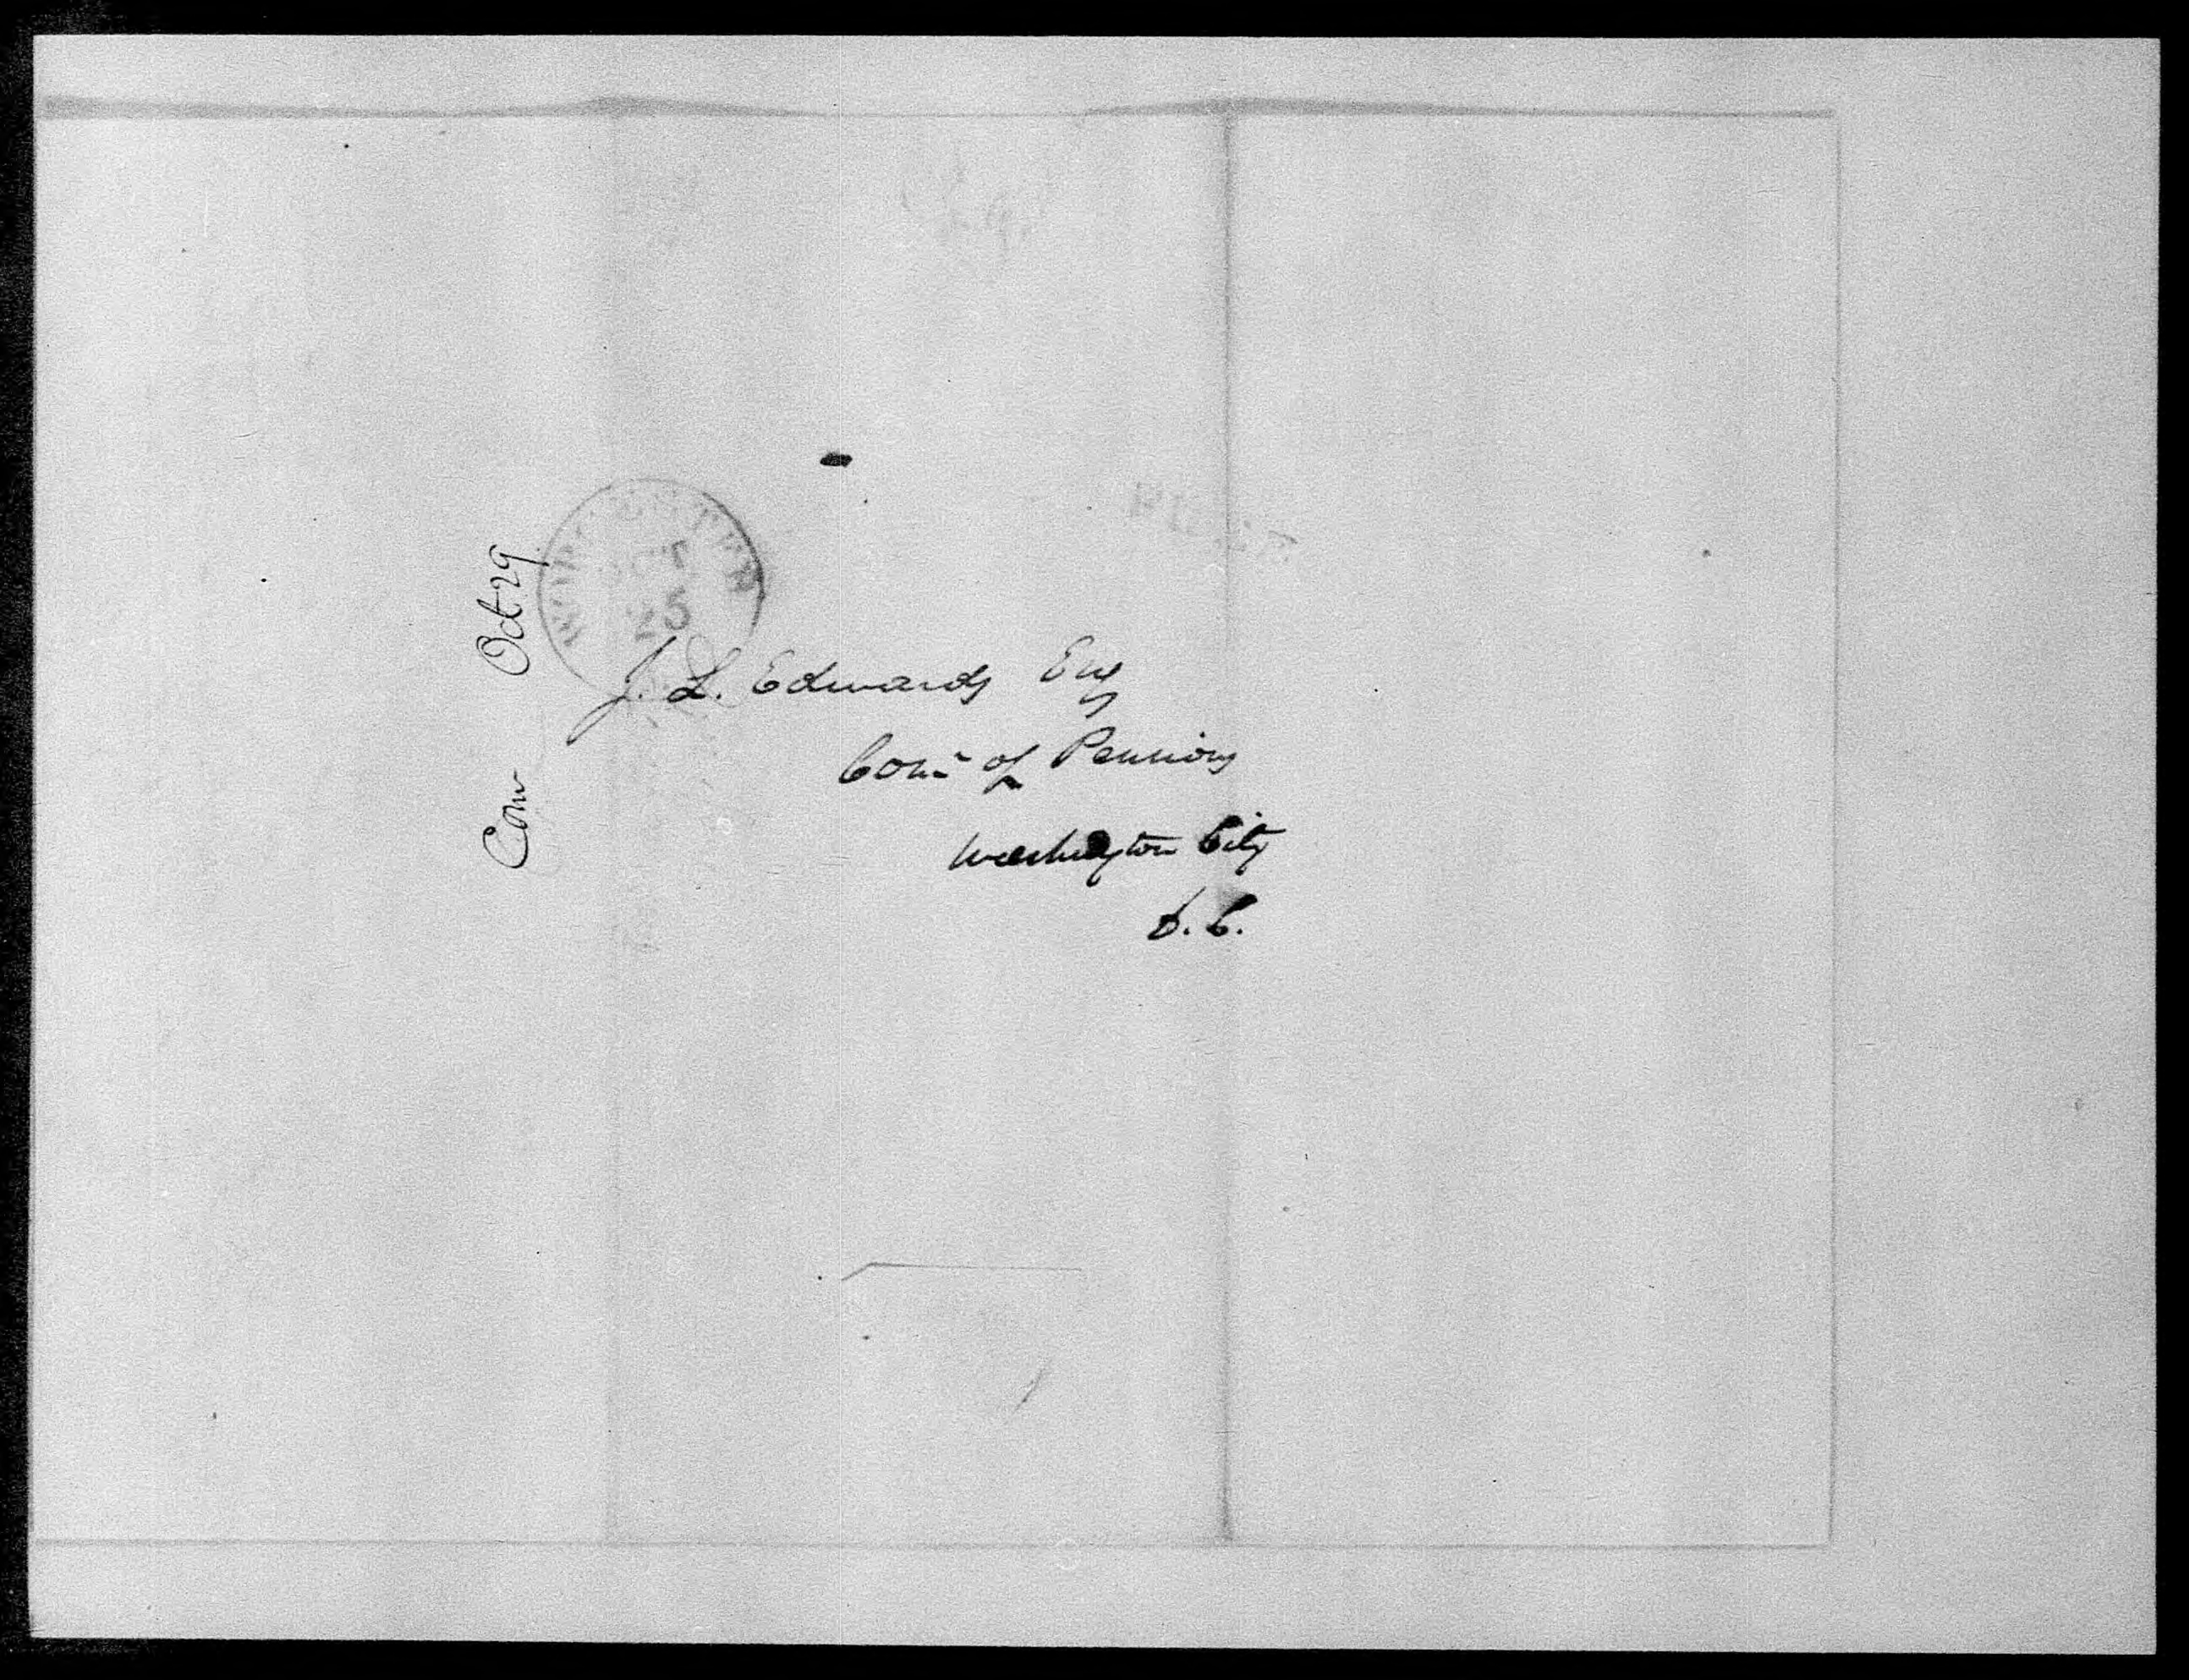(circular stamp)
Worcester Oct 25

J. L. Edwards Esq
Com of Pensions
Washington City D. C.

Com Oct 29

FREE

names: J L Edwards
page: 3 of 60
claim: widow's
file: W. 14,036, for James Knowles, Connecticut